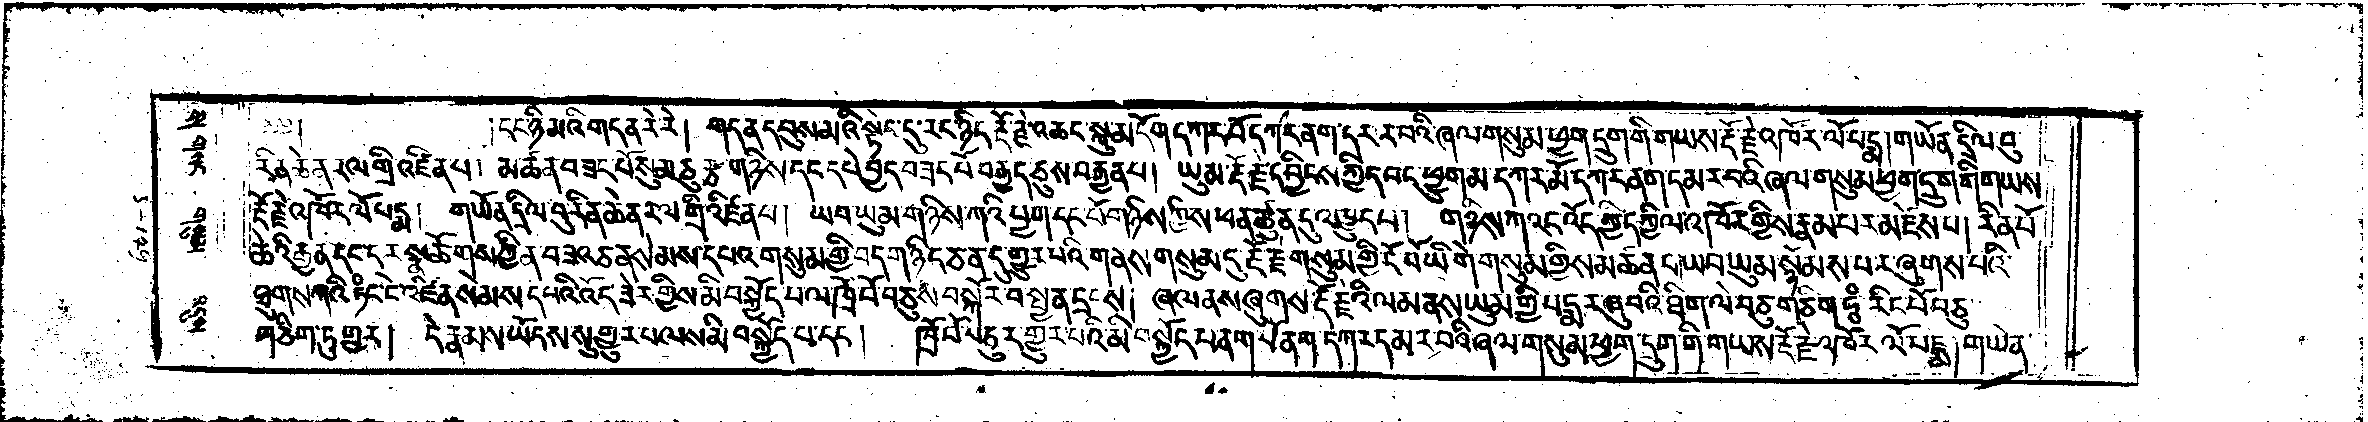༄༅། །དང་ཉི་མའི་གདན་རེ་རེ། གདན་དབུས་མའི་སྟེང་དུ་རང་ཉིད་རྡོ་རྗེ་འཆང་སྐུ་མདོག་དཀར་པོ་དཀར་ནག་དར་བའི་ཞལ་གསུམ་ཕྱག་དྲུག་གི་གཡས་རྡོ་རྗེ་འཁོར་ལོ་པདམ། གཡོན་དྲིལ་བུ་
རིན་ཆེན་རལ་གྲི་འཛིན་པ། མཚན་བཟང་པོ་སུམ་ཅུ་རྩ་གཉིས་དང་དཔེ་བྱད་བཟང་པོ་བརྒྱད་ཅུས་བརྒྱན་པ། ཡུམ་རྡོ་རྗེ་དབྱིངས་ཀྱི་དབང་ཕྱུག་མ་དཀར་མོ་དཀར་ནག་དམར་བའི་ཞལ་གསུམ་ཕྱག་དྲུག་གི་གཡས་
རྡོ་རྗེ་འཁོར་ལོ་པདམ། གཡོན་དྲིལ་བུ་རིན་ཆེན་རལ་གྲི་འཛིན་པ། ཡབ་ཡུམ་གཉིས་ཀའི་ཕྱག་དང་པོ་གཉིས་ཀྱིས་ཕན་ཚུན་དུ་འཁྱུད་པ། གཉིས་ཀའང་འོད་ཀྱི་དཀྱིལ་འཁོར་གྱིས་རྣམ་པར་མཛེས་པ། རིན་པོ་
ཆེའི་རྒྱན་དང་དར་སྣ་ཚོགས་ཀྱིན་བཟའ་ཅན་སེམས་དཔའ་གསུམ་གྱི་བདག་ཉིད་ཅན་དུ་གྱུར་པའི་གནས་གསུམ་དུ་རྡོ་རྗེ་གསུམ་གྱི་ངོ་བོ་ཡི་གེ་གསུམ་གཉིས་མཚན་བ་ཡབ་ཡུམ་སྙོམས་པར་ཞུགས་པའི་
ཐུགས་ཀའི་ཏིང་ངེ་འཛིན་སེམས་དཔའི་འོད་ཟེར་གྱིས་མི་བསྐྱོད་པ་ལ་ཁྲོ་བོ་བཅུས་བསྐོར་བ་སྤྱན་དྲངས། ཞལ་ནས་ཞུགས་རྡོ་རྗེའི་ལམ་ནས་ཡུམ་གྱི་པདམར་ཞུ་པའི་ཐིག་ལེ་བཅུ་གཅིག་ཧུཾ་རིང་པོ་བཅུ་
གཅིག་ཏུ་གྱུར། དེ་རྣམས་ཡོངས་སུ་གྱུར་པ་ལས་མི་བསྐྱོད་པ་དང་། ཁྲོ་བོ་བཅུར་གྱུར་བའི་མི་བསྐྱོད་པ་ནག་པོ་ནག་དཀར་དམར་བའི་ཞལ་གསུམ་ཕྱག་དྲུག་གི་གཡས་རྡོ་རྗེ་འཁོར་ལོ་པདམ། གཡོན་